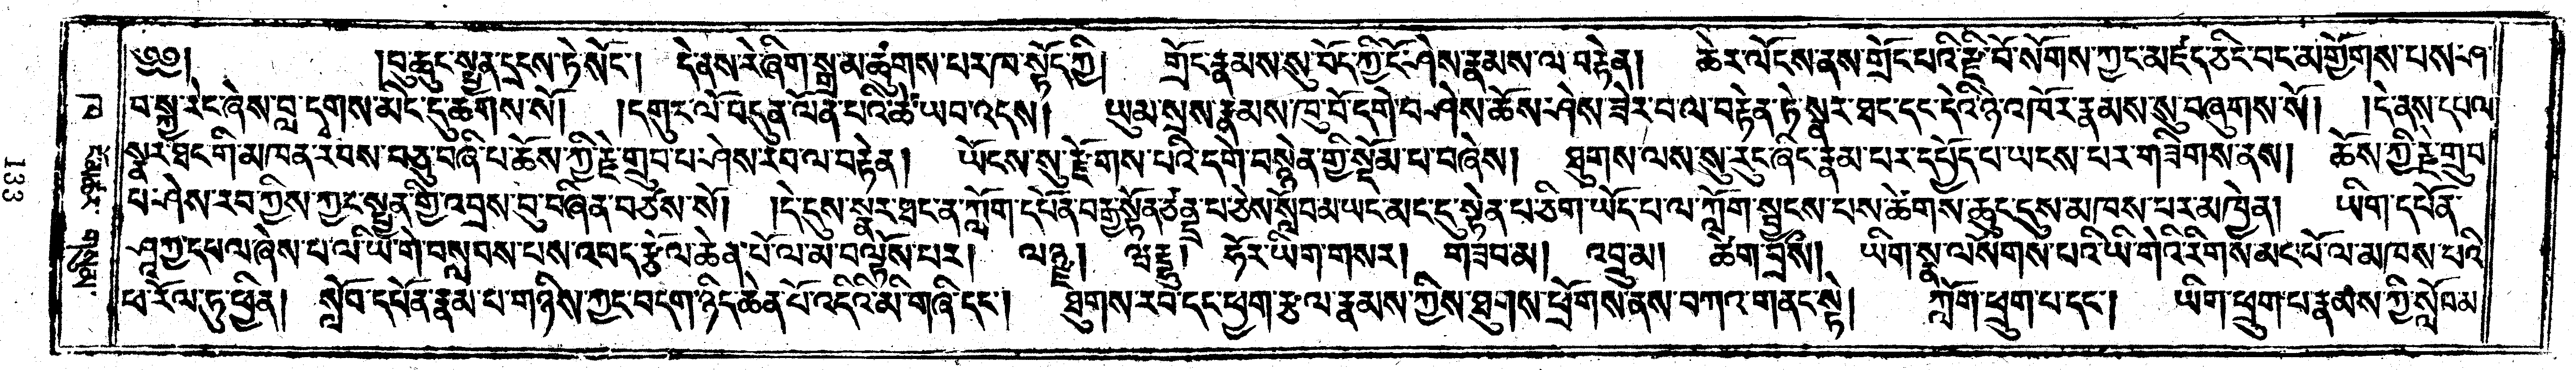༄༅། །བུ་ཆུང་སྤྱན་དྲངས་ཏེ་སོང་། དེ་ནས་རེ་ཞིག་སྒྲ་མཚུགས་པར་ཁ་སྟོད་ཀྱི། གྲོང་རྣམས་སུ་བོད་ཀྱི་ངོ་ཤེས་རྣམས་ལ་བརྟེན། ཆེར་ལོངས་ནས་གྲོང་པའི་རྫི་བོ་སོགས་ཀྱང་མཛད་ཅིང་བང་མ་མགྱོགས་པས་ཤ་
བ་སྐྱ་རེང་ཞེས་བླ་དྭགས་མིང་དུ་ཆགས་སོ། །དགུང་ལོ་བདུན་ལོན་པའི་ཚེ་ཡབ་འདས། ཡུམ་སྲས་རྣམས་ཁུ་བོ་དགེ་བཤེས་ཆོས་ཤེས་ཟེར་བ་ལ་བརྟེན་ཏེ་སྣར་ཐང་དང་དེའི་ཉེ་འཁོར་རྣམས་སུ་བཞུགས་སོ། །དེ་ནས་དཔལ་
སྣར་ཐང་གི་མཁན་རབས་བཅུ་བཞི་པ་ཆོས་ཀྱི་རྗེ་གྲུབ་པ་ཤེས་རབ་ལ་བརྟེན། ཡོངས་སུ་རྫོགས་པའི་དགེ་བསྙེན་གྱི་སྡོམ་པ་བཞེས། ཐུགས་ལས་སུ་རུང་ཞིང་རྣམ་པར་དཔྱོད་པ་ཡངས་པར་གཟིགས་ནས། ཆོས་ཀྱི་རྗེ་གྲུབ་
པ་ཤེས་རབ་ཀྱིས་ཀྱང་སྤྱན་གྱི་འབྲས་བུ་བཞིན་བཙས་སོ། །དེ་དུས་སྣར་ཐང་ན་ཀློག་དཔོན་བརྒྱ་སྟོན་ཙནྡྲ་པ་ཅེས་སློབ་མ་ཡང་མང་དུ་སྟེན་པ་ཅིག་ཡོད་པ་ལ་ཀློག་སྦྱངས་པས་ཚོགས་ཆུང་དུས་མཁས་པར་མཁྱེན། ཡིག་དཔོན་
ཤཱཀྱ་དཔལ་ཞེས་པ་ལ་ཡི་གེ་བསླབས་པས་འབད་རྩོལ་ཆེན་པོ་ལ་མ་བལྟོས་པར། ལཉྫ། ཝརྡྷུ། ཧོར་ཡིག་གསར། གཟབ་མ། འབྲུ་མ། ཚིག་བྲྀས། ཡིག་སྣ་ལ་སོགས་པའི་ཡི་གེའི་རིགས་མང་པོ་ལ་མཁས་པའི་
ཕ་རོལ་ཏུ་ཕྱིན། སློབ་དཔོན་རྣམ་པ་གཉིས་ཀྱང་བདག་ཉིད་ཆེན་པོ་འདིའི་མི་གཞི་དང་། ཐུགས་རབ་དང་ཕྱག་རྩལ་རྣམས་ཀྱིས་ཐུགས་ཕྲོགས་ནས་བཀའ་གནང་སྟེ། ཀློག་ཕྲུག་པ་དང་། ཡིག་ཕྲུག་པ་རྣམས་ཀྱི་སློབ་མ་